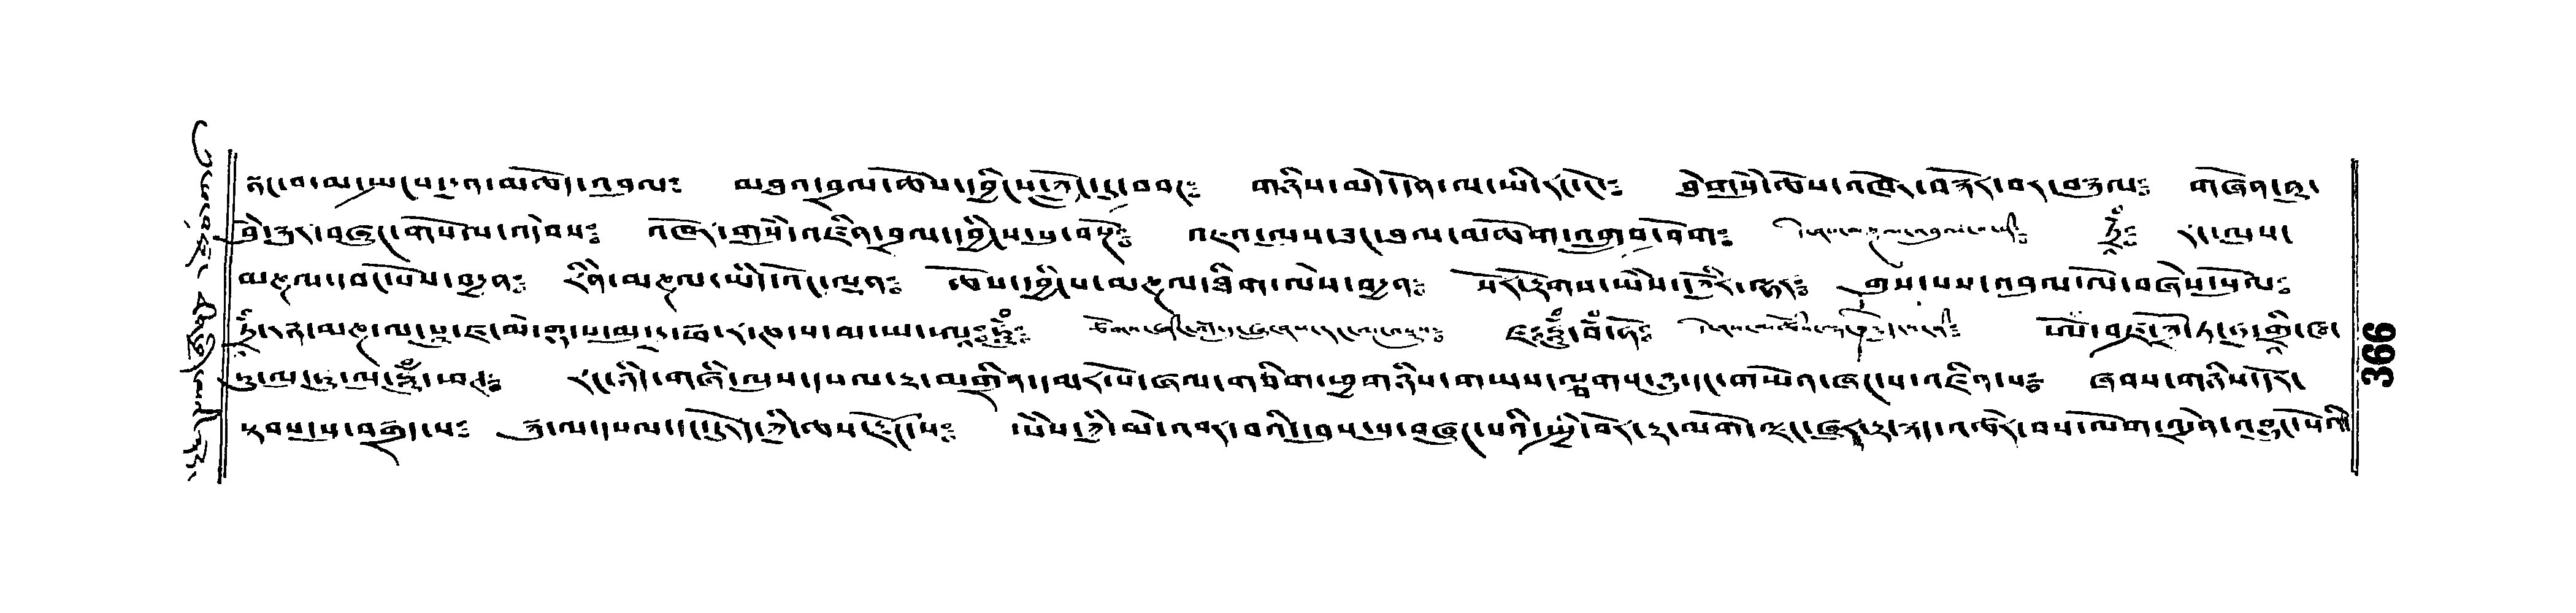སྣང་བ་མ་སྤངས་རྒྱན་མཆོད་འབུལ༔ མཐའ་བྲལ་ཆོས་དབྱིངས་ཀློང་དུ་བཤགས༔ གཉིས་མེད་དོན་ལ་ཡི་རང་ངོ༔ ཐེག་གསུམ་ཆོས་འཁོར་བསྐོར་བར་བསྐུལ༔ གཞོན་ནུ་
བུམ་སྐུར་བཞུགས་གསོལ་འདེབས༔ འཁོར་གསུམ་འཛིན་བྲལ་དབྱིངས་སུ་བསྔོ༔ འཇའ་ལུས་ཟང་ཐལ་མཆོག་འགྲུབ་ཤོག༔ དེ་ནས་མཎྜལ་འབུལ་བ་ནི༔ ཏྲཱྃ༔ རང་ལུས་
མཎྜལ་དབང་པོས་བརྒྱན༔ རིན་ཆེན་མཎྜལ་ཡིད་འོང་ལྡན༔ ཆོས་དབྱིངས་མཎྜལ་ཐིག་ལེས་བརྒྱན༔ སོར་རྟོགས་ཡེ་ཤེས་དཀྱིལ་འཁོར་ལྷར༔ གུས་པས་འབུལ་ལོ་བཞེས་སུ་གསོལ༔ 
ཏྲཱྃ་རཏྣ་མཎྜལ་ལ་པཱུ་ཛ་མེ་གྷ་ས་མུ་དྲ་སྥ་ར་ཎ་ས་མ་ཡ་ཨཱཿཧཱུྃ༔ ཚོགས་ཞིང་འོད་དུ་ཞུ་ནས་རང་ལ་བསྡུས༔ཛཿཧཱུྃ་བྃ་ཧོཿ དེ་ནས་མཚམས་ལྷ་བསྐྱེད་པ་ནི༔ ཨོཾ་བཛྲ་ཀྲོ་ཏ་ཧྱ་གྲཱི་ཝ་
ཧུ་ལུ་ཧུ་ལུ་ཧཱུྃ་ཕཊ༔ རང་ཉིད་གཞི་ལུས་དཔལ་རྟ་མགྲིན་དམར་པོ་ཞལ་གཅིག་ཕྱག་གཉིས་གཡས་ལྕགས་ཀྱུ་དང་གཡོན་ཞགས་པ་འཛིན་པ༔ ཞབས་གཉིས་དོར་
སྟབས་སུ་བསྒྲད་པ༔ སྐུ་ལ་དཔལ་དང་དུར་ཁྲོད་ཀྱི་ཆས་རྫོགས་པ༔ ཡེ་ཤེས་ཀྱི་མེ་འབར་བའི་དབུས་སུ་བཞུགས་པའི་སྤྱི་བོར་རྟ་མགོ་ལྗང་ཞུར་རྟ་སྐད་འཚེར་བས་ལོག་འདྲེན་འབྱུང་པོའི་